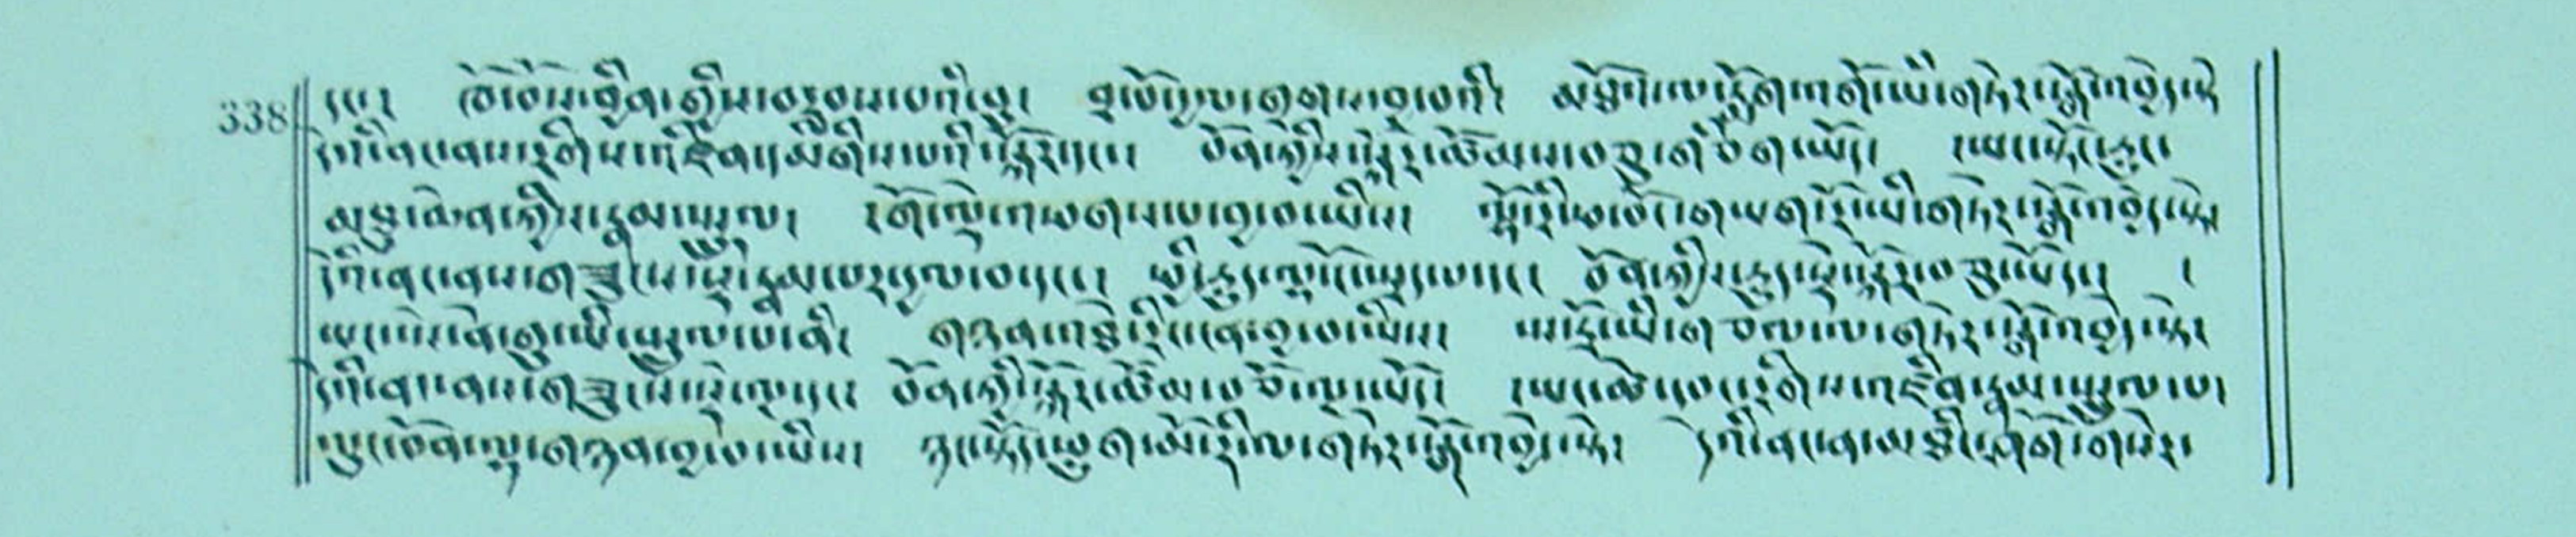དང་། ཁོ་བོས་བྱིན་གྱིས་རླབས་པའི་བུ། བྲ་བོ་རྒྱལ་གྲགས་བྱ་བ་ཡིས། མཐོའ་ལ་རྨོག་མགོའི་གཏེར་སྒོ་འབྱེད་དེ། 
དེའི་ནང་ནས་རིགས་འཛིན་དམིགས་པའི་སྐོར་དང་། བོན་གྱི་སྐོར་ཚོམ་བཅུ་གཅིག་ཡོད། ཡང་སྟོང་རྒྱུང་
མཐུ་ཆེན་གྱི་རྣམ་སྤྲུལ། གོ་ལྡེ་འཕགས་པ་བྱ་བ་ཡིས། ལྷོ་རི་ཕ་བོང་གཡག་རོ་ཡི་གཏེར་སྒོ་འབྱེད་དེ། 
དེའི་ནང་ནས་གཟུངས་སྡེ་རྣམ་པར་རྒྱལ་བ་དང་། ཕྱི་རྒྱུད་ལྷ་ངོ་སྤྲད་པ་དང་། བོན་གྱི་རྒྱུད་སྡེ་སྐོར་བཅུ་ཡོད། 
ཡང་སྤེའུ་ནེ་གུ་ཡི་སྤྲུལ་པ་ནི། གཉན་འཐེ་རིས་ངན་བྱ་བ་ཡིས། སྤ་དྲོ་ཡི་གཅལ་ལ་གཏེར་སྒོ་འབྱེད་དེ། 
དེའི་ནང་ནས་གཟུངས་སྡེ་ལྔ་དང་། བོན་གྱི་སྐོར་ཚོམ་བཅོ་ལྔ་ཡོད། ཡང་ཚེ་དབང་རིགས་འཛིན་རྣམ་སྤྲུལ་པ། 
ལུང་བོན་ལྷ་གཉན་བྱ་བ་ཡིས། ཉང་སྟོད་ཕྱུག་མོ་རི་ལ་གཏེར་ཁ་འབྱེད་དེ། དེའི་ནང་ནས་མཐིང་ཤོག་གསེར་